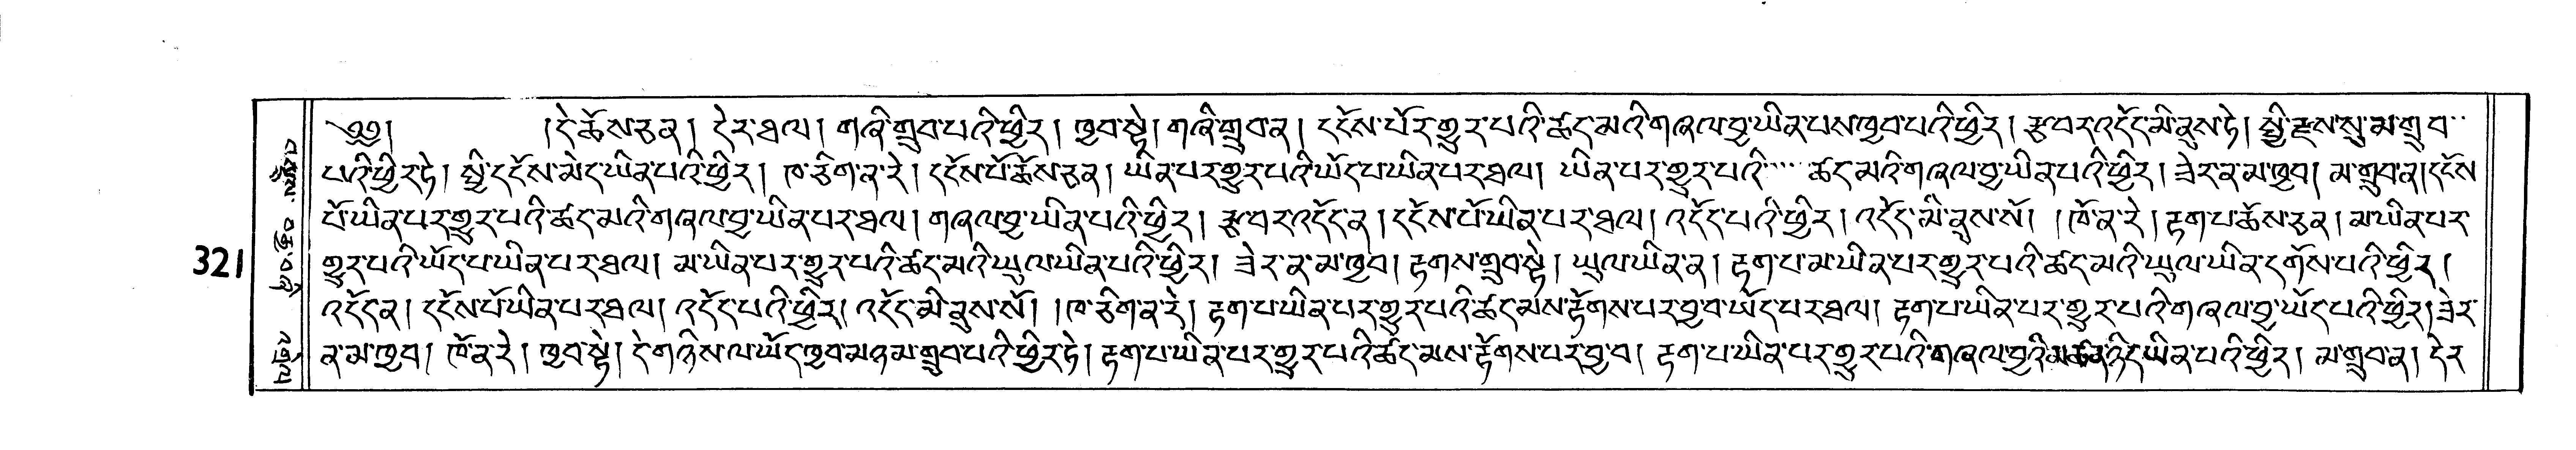༄༅། །དེ་ཆོས་ཅན། །དེ་ཐལ། གཞི་གྲུབ་པའི་ཕྱིར། ཁྱབ་སྟེ། གཞི་གྲུབ་ན། དངོས་པོར་གྱུར་པའི་ཚད་མའི་གཞལ་བྱ་ཡིན་པས་ཁྱབ་པའི་ཕྱིར། རྩ་བར་འདོད་མི་ནུས་ཏེ། སྤྱི་རྫས་སུ་མ་གྲུབ་
པའི་ཕྱིར་ཏེ། སྤྱི་དངོས་མེད་ཡིན་པའི་ཕྱིར། ཁ་ཅིག་ན་རེ། དངོས་པོ་ཆོས་ཅན། ཡིན་པར་གྱུར་པའི་ཡོད་པ་ཡིན་པར་ཐལ། ཡིན་པར་གྱུར་པའི་ཚད་མའི་གཞལ་བྱ་ཡིན་པའི་ཕྱིར། ཟེར་ན་མ་ཁྱབ། མ་གྲུབ་ན། དངོས་
པོ་ཡིན་པར་གྱུར་པའི་ཚད་མའི་གཞལ་བྱ་ཡིན་པར་ཐལ། གཞལ་བྱ་ཡིན་པའི་ཕྱིར། རྩ་བར་འདོད་ན། དངོས་པོ་ཡིན་པར་ཐལ། འདོད་པའི་ཕྱིར། འདོད་མི་ནུས་སོ། །ཁོ་ན་རེ། རྟག་པ་ཆོས་ཅན། མ་ཡིན་པར་
གྱུར་པའི་ཡོད་པ་ཡིན་པར་ཐལ། མ་ཡིན་པར་གྱུར་པའི་ཚད་མའི་ཡུལ་ཡིན་པའི་ཕྱིར། ཟེར་ན་མ་ཁྱབ། རྟགས་གྲུབ་སྟེ། ཡུལ་ཡིན་ན། རྟག་པ་མ་ཡིན་པར་གྱུར་པའི་ཚད་མའི་ཡུལ་ཡིན་དགོས་པའི་ཕྱིར།
འདོད་ན། དངོས་པོ་ཡིན་པར་ཐལ། འདོད་པའི་ཕྱིར། འདོད་མི་ནུས་སོ། །ཁ་ཅིག་ན་རེ། རྟག་པ་ཡིན་པར་གྱུར་པའི་ཚད་མས་རྟོགས་པར་བྱ་བ་ཡོད་པར་ཐལ། རྟག་པ་ཡིན་པར་གྱུར་པའི་གཞལ་བྱ་ཡོད་པའི་ཕྱིར། ཟེར་
ན་མ་ཁྱབ། ཁོ་ན་རེ། ཁྱབ་སྟེ། དེ་གཉིས་ལ་ཡོད་ཁྱབ་མཉམ་གྲུབ་པའི་ཕྱིར་ཏེ། རྟག་པ་ཡིན་པར་གྱུར་པའི་ཚད་མས་རྟོགས་པར་བྱ་བ། རྟག་པ་ཡིན་པར་གྱུར་པའི་གཞལ་བྱའི་མཚན་ཉིད་ཡིན་པའི་ཕྱིར། མ་གྲུབ་ན། དེར་